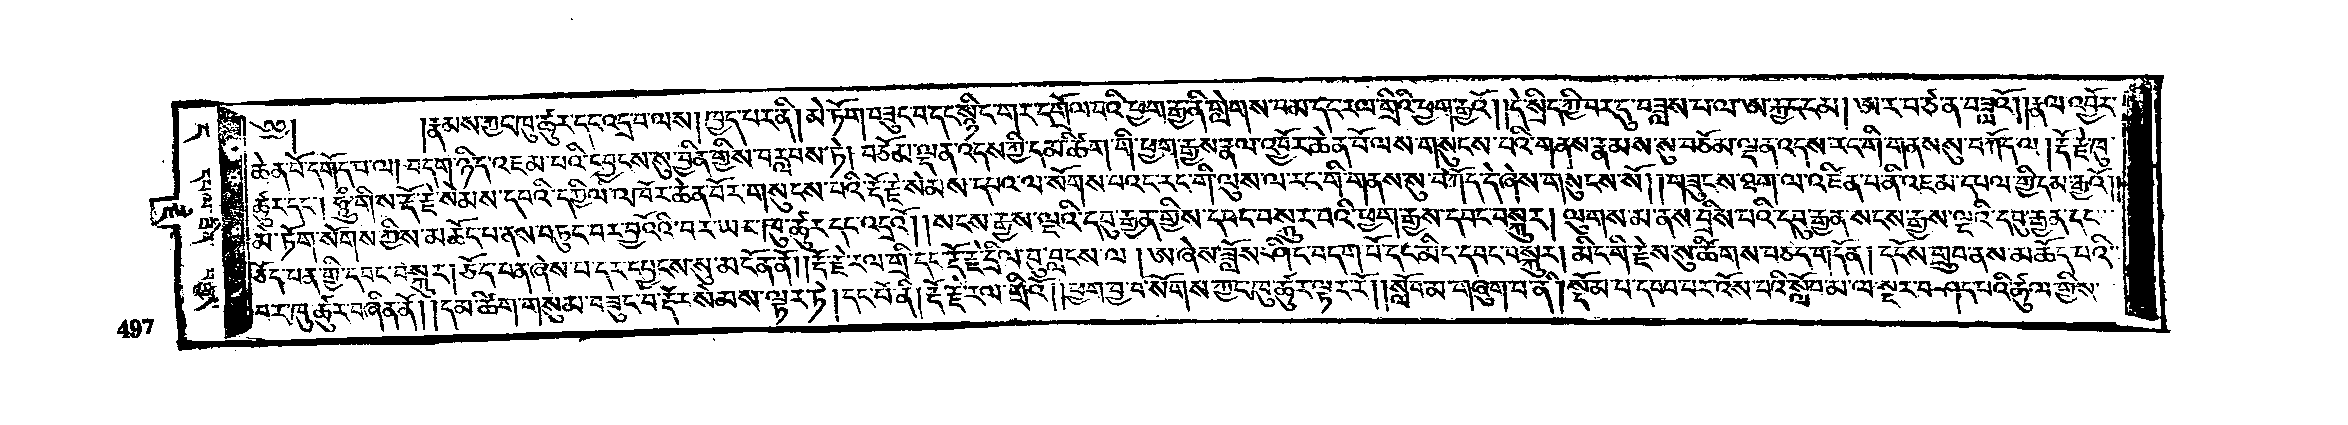༄༅། །རྣམས་ཀྱང་ཁུ་ཚུར་དང་འདྲ་བ་ལས། ཁྱད་པར་ནི། མེ་ཏོག་བཟུང་བ་དང་སྙིང་གར་དགྲོལ་བའི་ཕྱག་རྒྱ་ནི་གླེགས་བམ་དང་རལ་གྲིའི་ཕྱག་རྒྱའོ། །དེ་སྲིད་ཀྱི་བར་དུ་བཟླས་པ་ལ་ཨ་རྐྱང་ངམ། ཨ་ར་པ་ཙ་ན་བཟླའོ། །རྣལ་འབྱོར་
ཆེན་པོ་དགོད་པ་ལ། བདག་ཉིད་འཇམ་པའི་དབྱངས་སུ་བྱིན་གྱིས་བརླབས་ཏེ། བཅོམ་ལྡན་འདས་ཀྱི་དམ་ཚིག་གི་ཕྱག་རྒྱས་རྣལ་འབྱོར་ཆེན་པོ་ལས་གསུངས་པའི་གནས་རྣམས་སུ་བཅོམ་ལྡན་འདས་རང་གི་གནས་སུ་བཀོད་ལ། རྡོ་རྗེ་ཁུ་
ཚུར་དང་། ཧཱུཾ་གིས་རྡོ་རྗེ་སེམས་དཔའི་དཀྱིལ་འཁོར་ཆེན་པོར་གསུངས་པའི་རྡོ་རྗེ་སེམས་དཔའ་ལ་སོགས་པའང་རང་གི་ལུས་ལ་རང་གི་གནས་སུ་བཀོད་དེ་ཞེས་གསུངས་སོ། །གཟུངས་ཐག་ལ་འཛིན་པ་ནི་འཇམ་དཔལ་གྱི་དམ་རྒྱའོ། །
མེ་ཏོག་སོགས་ཀྱིས་མཆོད་པ་ནས་བཏུང་བར་བྱའོའི་བར་ཡང་ཁུ་ཚུར་དང་འདྲའོ། །སངས་རྒྱས་ལྔའི་དབུ་རྒྱན་གྱིས་དབང་བསྐུར་བའི་ཕྱག་རྒྱས་དབང་བསྐུར། ལུགས་མ་ནས་བྲིས་པའི་དབུ་རྒྱན་སངས་རྒྱས་ལྔའི་དབུ་རྒྱན་དང་
ཅོད་པན་གྱི་དབང་བསྐུར། ཅོད་པན་ཞེས་པ་དར་དཔྱངས་སུ་མངོན་ནོ། །རྡོ་རྗེ་རལ་གྲི་དང་རྡོ་རྗེ་དྲིལ་བུ་བླངས་ལ། ཨ་ཞེས་ཟློས་ཤིང་བདག་པོ་དང་མིང་དབང་བསྐུར། མིང་གི་རྗེས་སུ་ཚིགས་བཅད་གདོན། དངོས་གྲུབ་ནས་མཆོད་པའི་
བར་ཁུ་ཚུར་བཞིན་ནོ། །དམ་ཚིག་གསུམ་བཟུང་བ་རྡོར་སེམས་ལྟར་ཏེ། དང་པོ་ནི། རྡོ་རྗེ་རལ་གྲིའོ། །ཕྱག་བྱ་བ་སོགས་ཀྱང་ཁུ་ཚུར་ལྟར་རོ། །སློབ་མ་གཞུག་པ་ནི། སྡོམ་པ་དབབ་པར་འོས་པའི་སློབ་མ་ལ་སྔར་བཤད་པའི་ཚུལ་གྱིས་